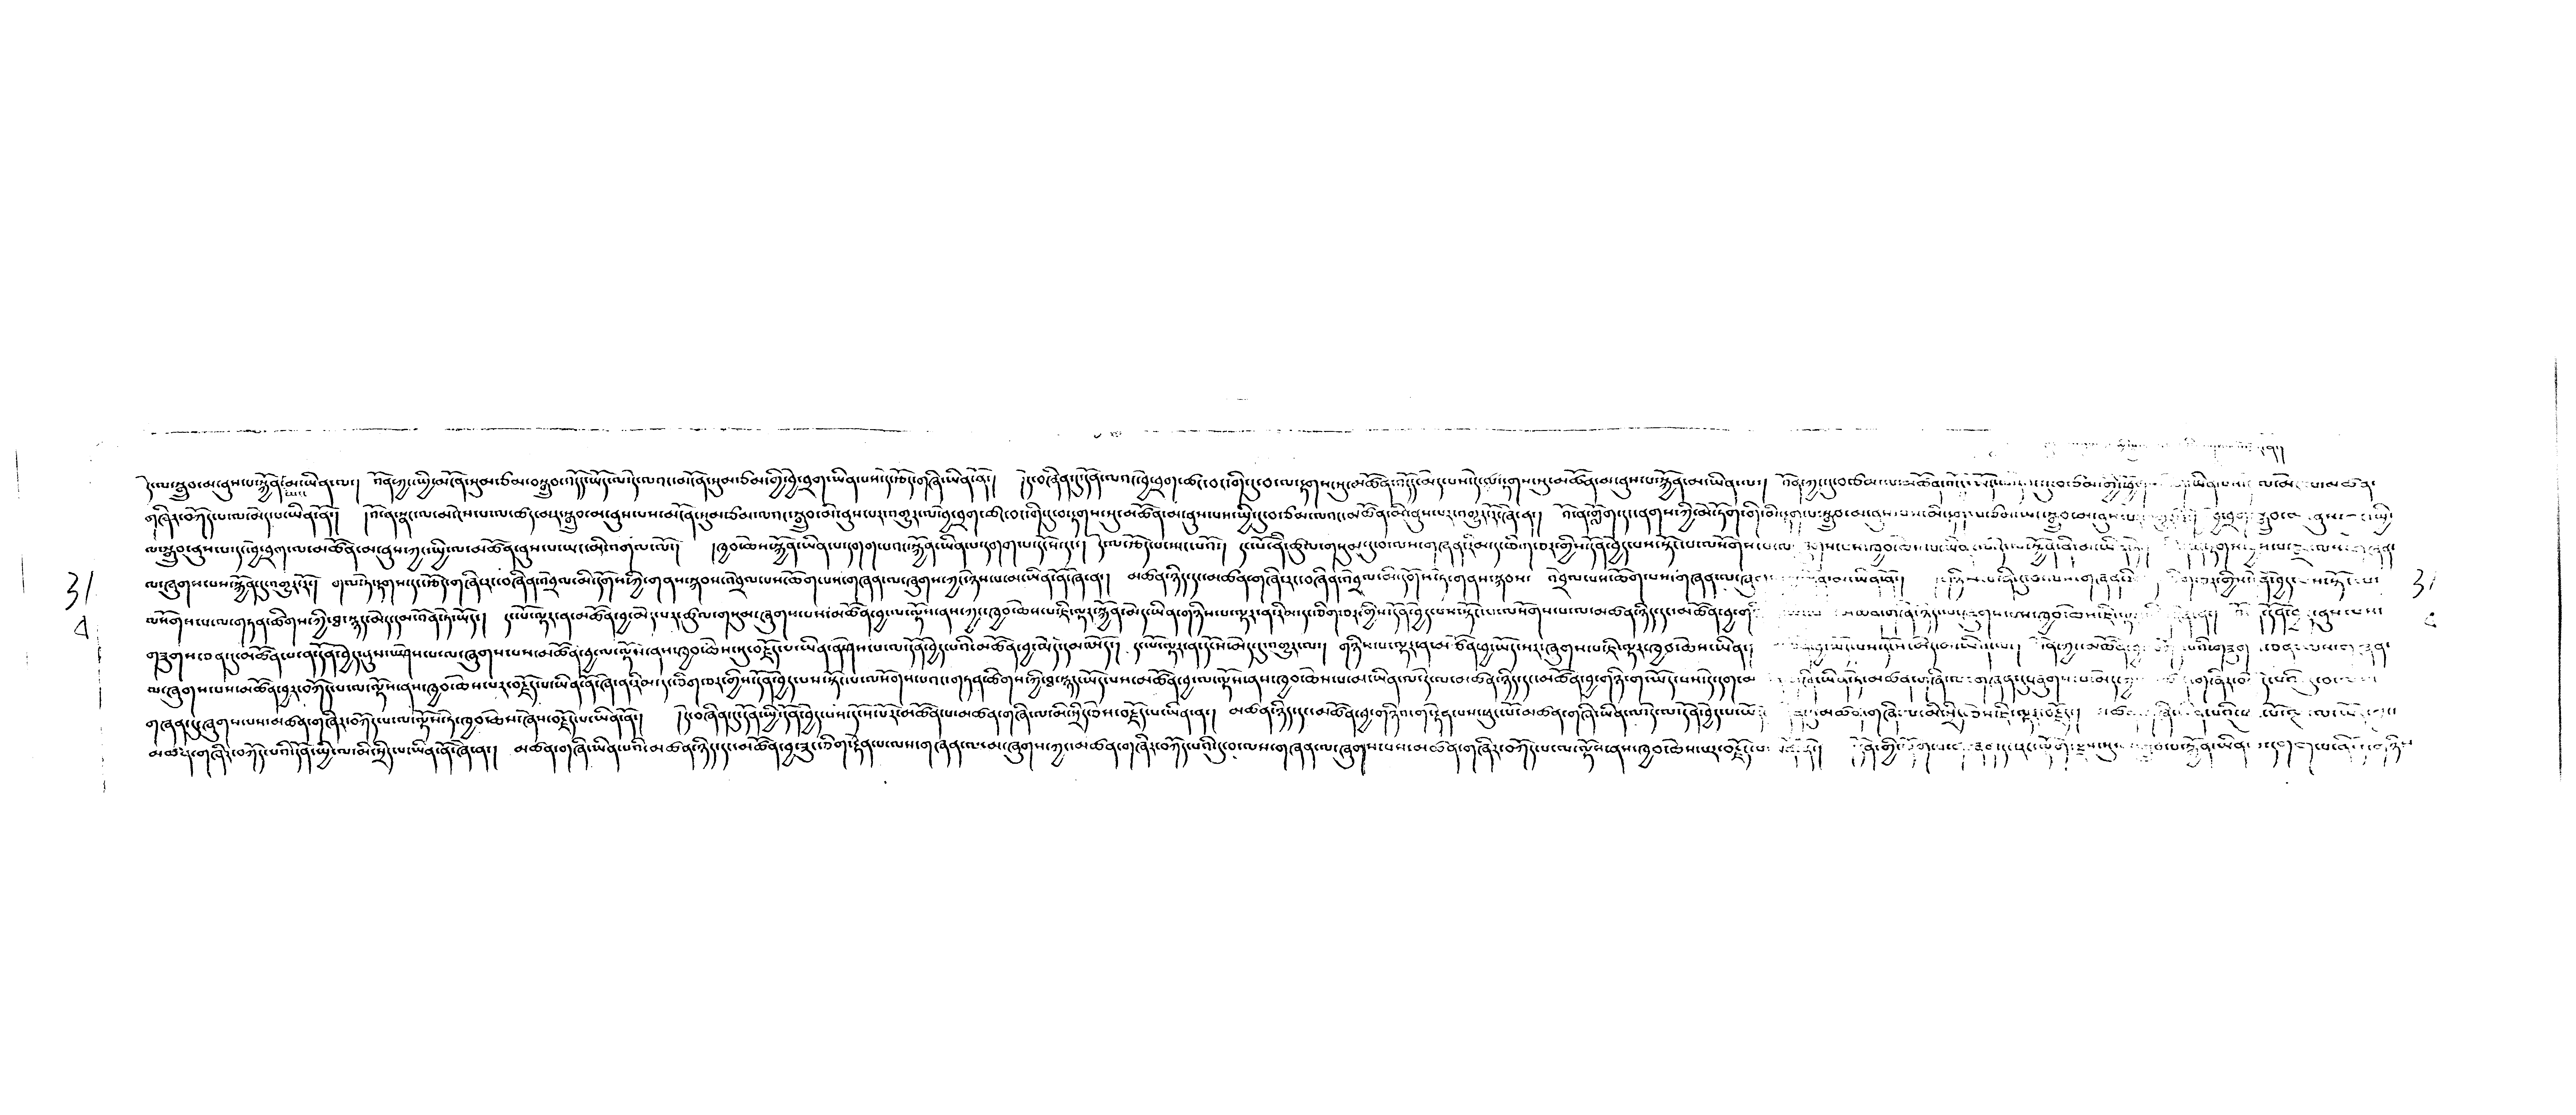དེ་ལ་སྒྲུབ་མ་ནུས་པ་སྐྱོན་ཡང་མ་ཡིན་ལ། འོན་ཀྱང་སྤྱི་མངོན་སུམ་ཙམ་བསྒྲུབ་འདོད་ཡོད་ལ་དེ་ལའང་མངོན་སུམ་ཙམ་གྱི་བྱེ་བྲག་ཡིན་པས་དེ་རྩོད་གཞི་ཡིན་ནོ། །དེ་བཞིན་དུ་དོན་ལའང་བྱེ་བྲག་ཚང་བང་གི་དུ་བ་ལ་རྟགས་སུ་མཚོན་འདོད་མེད་པས་དེ་ལ་རྟགས་སུ་མཚོན་མ་ནུས་པ་སྐྱོན་མ་ཡིན་ལ། འོན་ཀྱང་དུ་བ་ཙམ་ལ་མཚོན་འདོད་ཡོད་པ་དེས་དུ་བ་ཙམ་གྱི་ཕྱོགས་གཅིག་ཡིན་པས་དེ་ལ་མེད་པ་མཚན་
གཞིར་བཀོད་པ་ལ་མེད་པ་ཡིན་ནོ། །འོ་ན་སྣང་ལ་མ་ངེས་པ་ལ་ཚད་མར་སྒྲུབ་མ་ནུས་པས་མངོན་སུམ་ཙམ་ལའང་སྒྲུབ་མི་ནུས་པར་འགྱུར་ལ་བྱེ་བྲག་ཚང་བང་གི་དུ་བ་རྟགས་སུ་མཚོན་མ་ནུས་པས་སྤྱི་དུ་བ་ཙམ་ལའང་མཚོན་མི་ནུས་པར་འགྱུར་རོ་ཞེ་ན། འོ་ན་གློག་དང་ནགས་ཀྱི་མེ་ཏོག་གི་མི་རྟག་པ་སྒྲུབ་མ་ནུས་པས་མི་རྟག་པ་ཙམ་ཡང་སྒྲུབ་མ་ནུས་པར་འགྱུར་རོ། བྱེ་བྲག་ལ་སྒྲུབ་མ་ནུས་ཀྱང་སྤྱི་
ལ་སྒྲུབ་ནུས་པ་དང་བྱེ་བྲག་ལ་མཚོན་མ་ནུས་ཀྱང་སྤྱི་ལ་མཚོན་ནུས་པ་ཡང་མི་འགལ་ལོ། །ཁྱབ་ཆེས་སྐྱོན་ཡིན་པ་དགག་པའང་སྐྱོན་ཡིན་པ་དགག་པ་དངོས་དང་། དེ་ལ་རྩོད་པ་སྤང་པའོ། དང་པོ་ནི་ཚུལ་གསུམ་དུ་བ་ལས་གཞན་རིམ་དང་ཅིག་ཅར་གྱིས་དོན་བྱེད་པས་སྟོང་པ་ལ་སོགས་པ་ལ་ཞུགས་པས་ཁྱབ་ཆེས་པ་ཡིན་ལ། དེ་ལ་སྐྱོན་ནི་མ་ཡིན་ཏེ། ཡིན་ན་རྟགས་བྱས་པ་སྒྲ་ལས་གཞན་
ལ་ཞུགས་པས་སྐྱོན་དུ་འགྱུར་རོ། གལ་ཏེ་རྟགས་དང་རྩོད་གཞི་རང་བཞིན་འབྲེལ་མི་དགོས་ཀྱི་གནས་སྐབས་འབྲེལ་པས་ཆོག་པས་གཞན་ལ་ཞུགས་ཀྱང་ཉེས་པ་མ་ཡིན་ནོ་ཞེ་ན། མཚན་ཉིད་དང་མཚན་གཞི་རང་བཞིན་འབྲེལ་མི་དགོས་ཏེ་གནས་སྐབས་འབྲེལ་པས་ཆོག་པས་གཞན་ལ་ཞུགས་ཀྱང་སྐྱོན་མ་ཡིན་ནོ། །གཉིས་པ་ནི་དུ་བ་ལས་གཞན་རིམ་དང་ཅིག་ཅར་གྱིས་དོན་བྱེད་པས་སྟོང་པ་
ལ་སོགས་པ་ལ་གཏན་ཚིགས་ཀྱི་ཐ་སྙད་མེད་དམ་འོན་ཏེ་ཡོད། དང་པོ་ལྟར་ན་མཚོན་བྱ་མེད་པར་ཚུལ་གསུམ་ཞུགས་པས་མཚོན་བྱ་ལ་ལྟོས་ནས་ཀྱང་ཁྱབ་ཆེས་པ་ཇི་ལྟར་སྐྱོན་མེད་ཡིན་གཉིས་པ་ལྟར་ན་རིམ་དང་ཅིག་ཅར་གྱིས་དོན་བྱེད་པས་སྟོང་པ་ལ་སོགས་པ་ལ་མཚན་ཉིད་དང་མཚོན་བྱ་གཉི་ག་ཡོད་པ་མཚན་གཞི་ཉིད་པ་ཞུགས་ལ་ཁྱབ་ཆེས་ཇི་ལྟར་ཞེ་ན། འོ་ན་དོན་བྱེད་ནུས་པས་
གཟུགས་ཅན་དུ་མཚོན་པ་ན་དོན་བྱེད་ནུས་པ་ཤེས་པ་ལ་ཞུགས་པས་མཚོན་བྱ་ལ་ལྟོས་ནས་ཁྱབ་ཆེས་སུ་བརྗོད་པ་ཡིན་ན་ཤེས་པ་ལ་དོན་བྱེད་པའི་མཚོན་བྱ་མེད་དམ་ཡོད། དང་པོ་ལྟར་ན་དངོས་མེད་དུ་འགྱུར་ལ། གཉིས་པ་ལྟར་ན་མཚོན་བྱ་ཡོད་པར་ཞུགས་པ་ཇི་ལྟར་ཁྱབ་ཆེས་ཡིན། མཚོན་བྱ་ཡོད་པས་དངོས་མེད་མ་ཡིན་པ། འོན་ཀྱང་མཚོན་བྱར་བཀོད་པའི་གཟུགས་ཅན་ལས་གཞན་
མ་ཞུགས་པས་མཚོན་བྱར་བཀོད་པ་ལ་ལྟོས་ནས་ཁྱབ་ཆེས་པར་བརྗོད་པ་ཡིན་ནོ་ཞེ་ན་རིམ་དང་ཅིག་ཅར་གྱིས་དོན་བྱེད་པས་སྟོང་པ་ལ་སོགས་པའང་གཏན་ཚིགས་ཀྱི་ཐ་སྙད་ཡོད་པས་མཚོན་བྱ་ལ་ལྟོས་ནས་ཁྱབ་ཆེས་པ་མ་ཡིན་ལ་དེ་ལ་མཚན་ཉིད་དང་མཚོན་བྱ་གཉི་ག་ཡོད་པས་དེ་དག་མཚན་གཞི་ཡིན་ཏེ་མཚན་གཞི་ལ་གཞན་དུ་ཞུགས་པ་མེད་ཀྱང་མཚན་གཞིར་མེད་པའི་དུ་བ་ལས་
གཞན་དུ་ཞུགས་པས་མཚན་གཞིར་བཀོད་པ་ལ་ལྟོས་ཏེ་ཁྱབ་ཆེས་ཞེས་བརྗོད་པ་ཡིན་ནོ། །དེ་བཞིན་དུ་དོན་སྤྱི་དོན་བྱེད་པས་དངོས་པོར་མཚོན་པ་མཚན་གཞི་ལ་མི་སྲིད་ཅེས་བརྗོད་པ་ཡིན་ན། མཚན་ཉིད་དང་མཚོན་བྱ་གཉིས་ག་རྟེན་པས་ཕུང་པོ་མཚན་གཞི་ཡིན་ལ་དེ་ལ་དོན་བྱེད་པ་ཡོད་བཞིན་དུ་མཚན་གཞི་ལ་མི་སྲིད་ཅེས་ཇི་ལྟར་བརྗོད། མཚན་གཞི་ཡིན་པའི་ཕུང་པོ་ལྔ་ལ་ཡོད་ཀྱང་
མཚན་གཞིར་བཀོད་པའི་དོན་སྤྱི་ལ་མི་སྲིད་པ་ཡིན་ནོ་ཞེ་ན། མཚན་གཞི་ཡིན་པའི་མཚན་ཉིད་དང་མཚོན་བྱ་ཟུང་ཅིག་རྟེན་པ་ལས་གཞན་ལ་མ་ཞུགས་ཀྱང་མཚན་གཞིར་བཀོད་པའི་དུ་བ་ལས་གཞན་ལ་ཞུགས་པས་མཚན་གཞིར་བཀོད་པ་ལ་ལྟོས་ནས་ཁྱབ་ཆེས་པར་བརྗོད་པ་ཡིན་ནོ། །དོན་གྱི་རྡོག་པ་གཞན་དང་རང་ལྡོག་རྫས་སུ་འགྲུབ་པ་སྐྱོན་ཡིན་པ་དགག་པ་ནི་དེ་གཉིས་